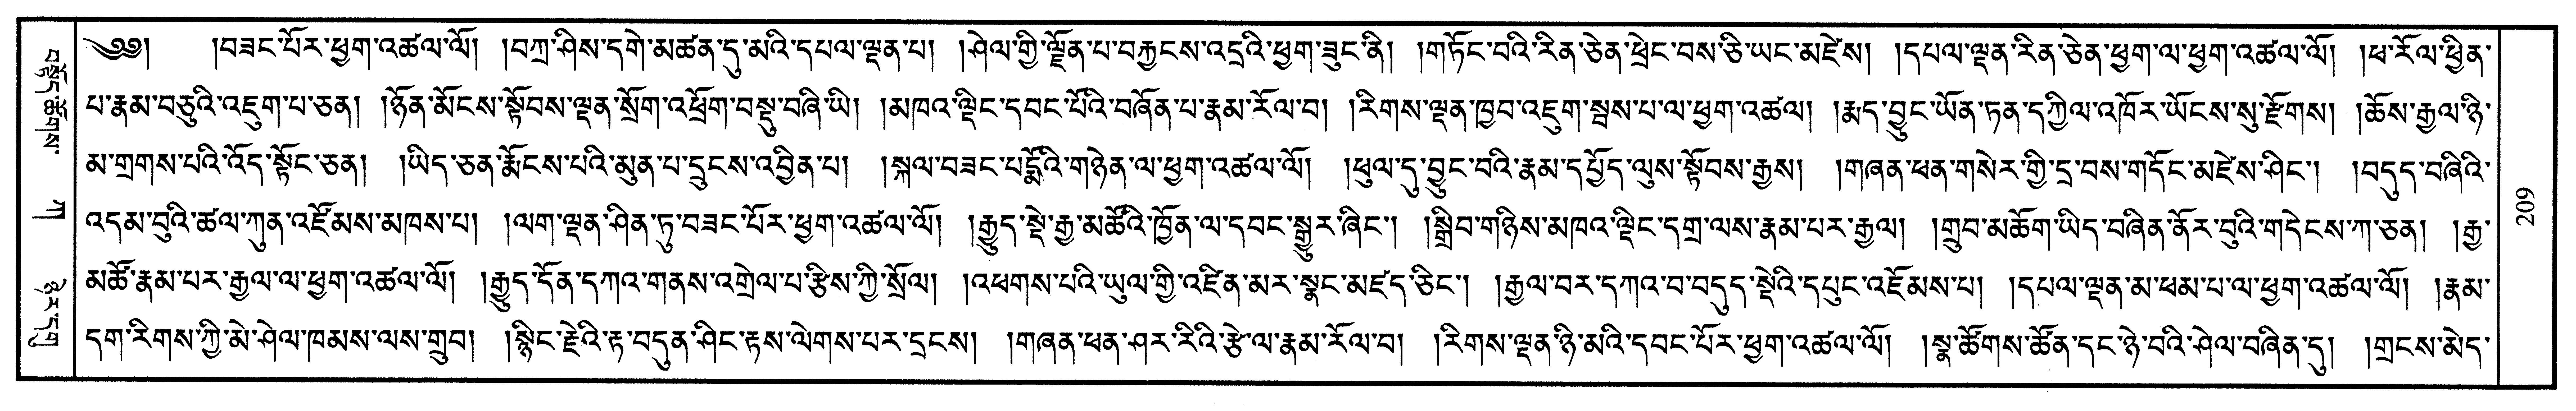༄༅། །བཟང་པོར་ཕྱག་འཚལ་ལོ། །བཀྲ་ཤིས་དགེ་མཚན་དུ་མའི་དཔལ་ལྡན་པ། །ཤེལ་གྱི་ལྗོན་པ་བརྐྱངས་འདྲའི་ཕྱག་ཟུང་ནི། །གཏོང་བའི་རིན་ཅེན་ཕྲེང་བས་ཅི་ཡང་མཛེས། །དཔལ་ལྡན་རིན་ཅེན་ཕྱག་ལ་ཕྱག་འཚལ་ལོ། །ཕ་རོལ་ཕྱིན་
པ་རྣམ་བཅུའི་འཇུག་པ་ཅན། །ཉོན་མོངས་སྟོབས་ལྡན་སྲོག་འཕྲོག་བསྡུ་བཞི་ཡི། །མཁའ་ལྡིང་དབང་པོའི་བཞོན་པ་རྣམ་རོལ་བ། །རིགས་ལྡན་ཁྱབ་འཇུག་སྦས་པ་ལ་ཕྱག་འཚལ། །རྨད་བྱུང་ཡོན་ཏན་དཀྱིལ་འཁོར་ཡོངས་སུ་རྫོགས། །ཆོས་རྒྱལ་ཉི་
མ་གྲགས་པའི་འོད་སྟོང་ཅན། །ཡིད་ཅན་རྨོངས་པའི་མུན་པ་དྲུངས་འབྱིན་པ། །སྐལ་བཟང་པདམོའི་གཉེན་ལ་ཕྱག་འཚལ་ལོ། །ཕུལ་དུ་བྱུང་བའི་རྣམ་དཔྱོད་ལུས་སྟོབས་རྒྱས། །གཞན་ཕན་གསེར་གྱི་དྲ་བས་གདོང་མཛེས་ཤིང་། །བདུད་བཞིའི་
འདམ་བུའི་ཚལ་ཀུན་འཛོམས་མཁས་པ། །ལག་ལྡན་ཤིན་ཏུ་བཟང་པོར་ཕྱག་འཚལ་ལོ། །རྒྱུད་སྡེ་རྒྱ་མཚོའི་ཁྱོན་ལ་དབང་སྒྱུར་ཞིང་། །སྒྲིབ་གཉིས་མཁའ་ལྡིང་དགྲ་ལས་རྣམ་པར་རྒྱལ། །གྲུབ་མཆོག་ཡིད་བཞིན་ནོར་བུའི་གདེངས་ཀ་ཅན། །རྒྱ་
མཚོ་རྣམ་པར་རྒྱལ་ལ་ཕྱག་འཚལ་ལོ། །རྒྱུད་དོན་དཀའ་གནས་འགྲེལ་པ་རྩིས་ཀྱི་སྲོལ། །འཕགས་པའི་ཡུལ་གྱི་འཛིན་མར་སྣང་མཛད་ཅིང་། །རྒྱལ་བར་དཀའ་བ་བདུད་སྡེའི་དཔུང་འཇོམས་པ། །དཔལ་ལྡན་མ་ཕམ་པ་ལ་ཕྱག་འཚལ་ལོ། །རྣམ་
དག་རིགས་ཀྱི་མེ་ཤེལ་ཁམས་ལས་གྲུབ། །སྙིང་རྗེའི་རྟ་བདུན་ཤིང་རྟས་ལེགས་པར་དྲངས། །གཞན་ཕན་ཤར་རིའི་རྩེ་ལ་རྣམ་རོལ་བ། །རིགས་ལྡན་ཉི་མའི་དབང་པོར་ཕྱག་འཚལ་ལོ། །སྣ་ཚོགས་ཚོན་དང་ཉེ་བའི་ཤེལ་བཞིན་དུ། །གྲངས་མེད་